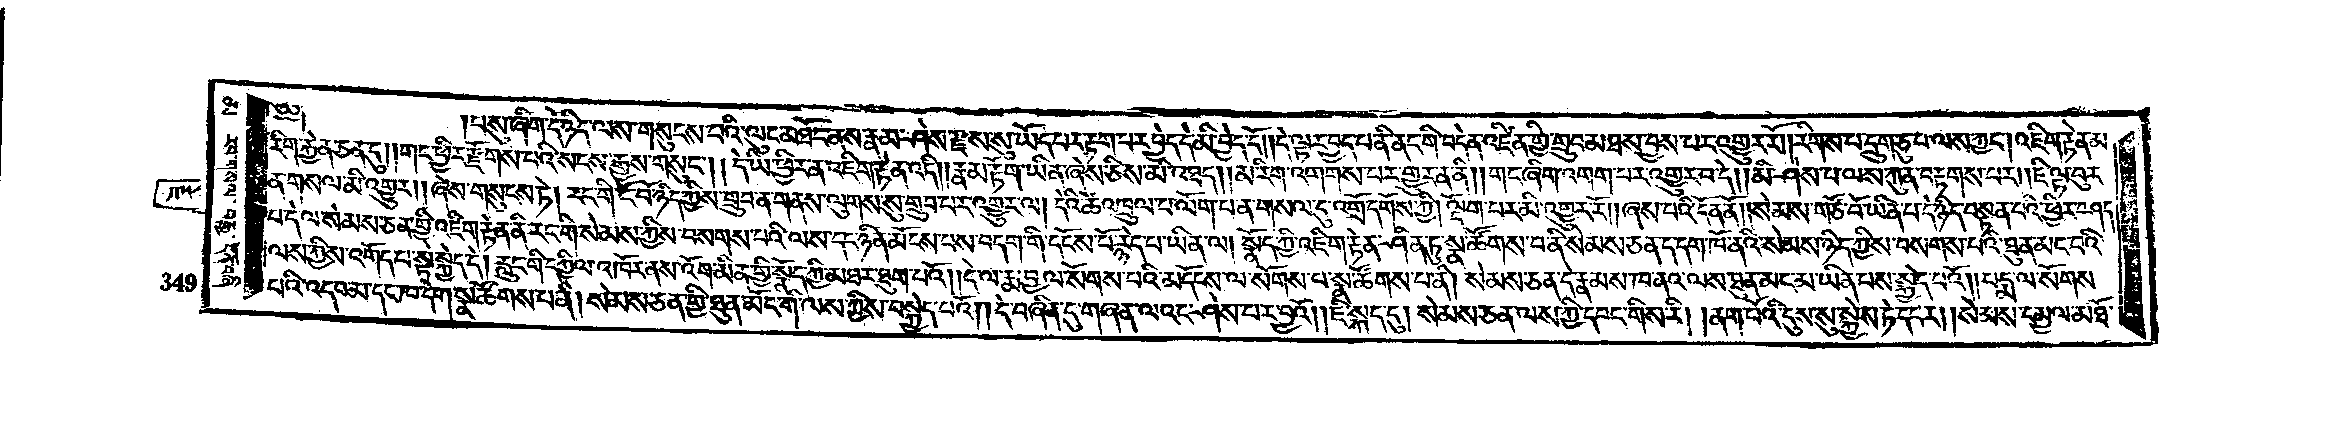༄༅། །པ་སུ་ཞིག་དེ་ཉིད་ལས་གསུངས་པའི་ལུང་མཐོང་ནས་རྣམ་ཤེས་རྫས་སུ་ཡོད་པར་རྟག་པར་བྱེད་དེ་མི་བྱེད་དོ། །དེ་ལྟར་བྱད་པ་ནི་ནང་གི་བདེན་འཛིན་གྱི་གྲུབ་མཐས་བྱས་པར་འགྱུར་རོ། །རིགས་པ་དྲུག་ཅུ་པ་ལས་ཀྱང་། འཇིག་རྟེན་མ་
རིག་རྐྱེན་ཅན་དུ། །གང་ཕྱིར་རྫོགས་པའི་སངས་རྒྱས་གསུང་། །དེ་ཡི་ཕྱིར་ན་འཇིག་རྟེན་འདི། །རྣམ་རྟོག་ཡིན་ཞེས་ཅིས་མི་འཐད། །མ་རིག་འགགས་པར་གྱུར་ན་ནི། །གང་ཞིག་འགག་པར་འགྱུར་བ་དེ། །མི་ཤེས་པ་ལས་ཀུན་བརྟགས་པར། །ཇི་ལྟ་བུར་
ན་གསལ་མི་འགྱུར། །ཞེས་གསུངས་ཏེ། རང་གི་ངོ་བོ་ཉིད་ཀྱིས་གྲུབ་ན་གནས་ལུགས་སུ་གྲུབ་པར་འགྱུར་ལ། དེའི་ཚེ་འཁྲུལ་པ་ལོག་པ་ན་གསལ་དུ་འགྲོ་དགོས་ཀྱི། ལྡོག་པར་མི་འགྱུར་རོ། །ཞེས་པའི་དོན་ནོ། །སེམས་གཙོ་བོ་ཡིན་པ་དེ་ཉིད་བསྟན་པའི་ཕྱིར་བཤད་
པ་དེ་ལ་སེམས་ཅན་གྱི་འཇིག་རྟེན་ནི་རང་གི་སེམས་ཀྱིས་བསགས་པའི་ལས་དང་ཉོན་མོངས་པས་བདག་གི་དངོས་པོ་རྙེད་པ་ཡིན་ལ། སྣོད་ཀྱི་འཇིག་རྟེན་ཤིན་ཏུ་སྣ་ཚོགས་པ་ནི་སེམས་ཅན་དེ་དག་ཁོ་ནའི་སེམས་ཉིད་ཀྱིས་བསགས་པའི་ཐུན་མོང་བའི་
ལས་ཀྱིས་འགོད་པ་སྟེ་སྐྱེད་དེ། རླུང་གི་དཀྱིལ་འཁོར་ནས་འོག་མིན་གྱི་སྣོད་ཀྱི་མཐར་ཐུག་པའོ། །དེ་ལ་རྨ་བྱ་ལ་སོགས་པའི་མདོངས་ལ་སོགས་པ་སྣ་ཚོགས་པ་ནི། སེམས་ཅན་དེ་རྣམས་ཁོ་ནའི་ལས་ཐུན་མོང་མ་ཡིན་པས་སྐྱེད་པའོ། །པདམ་ལ་སོགས་
པའི་འདབ་མ་དང་ཁ་དོག་སྣ་ཚོགས་པ་ནི། སེམས་ཅན་གྱི་ཐུན་མོང་གི་ལས་ཀྱིས་བསྐྱེད་པའོ། །དེ་བཞིན་དུ་གཞན་ལའང་ཤེས་པར་བྱའོ། །ཇི་སྐད་དུ། སེམས་ཅན་ལས་ཀྱི་དབང་གིས་རི། །ནག་པོའི་དུས་སུ་སྐྱེས་ཏེ་དཔེར། །སེམས་དམྱལ་མཐོ་